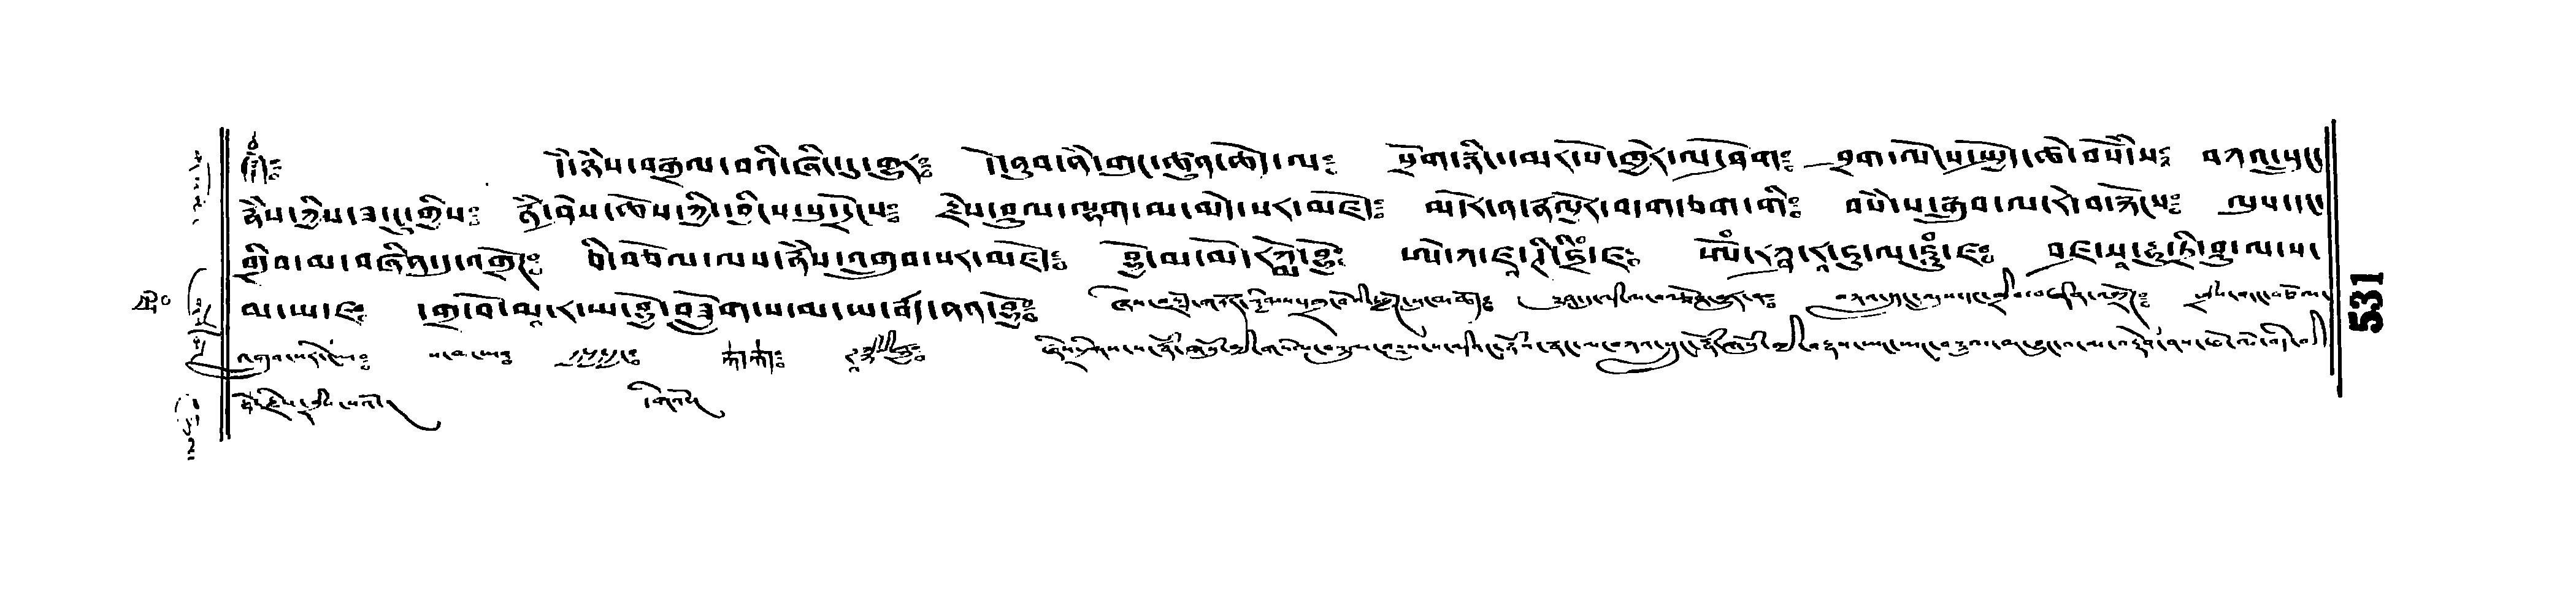དམ་ཉམས་སྒྲལ་བའི་ཞིང་དུ་གྱུར༔ དོ་ནུབ་ནམ་གུང་ཚུན་ཆོད་ལ༔ སྲོག་སྙིང་དམར་པོ་ཁྱེར་ལ་ཤོག༔ ཤ་ཁྲག་ལོངས་སྤྱོད་ཚེ་བསོད་ནམས༔ བཀའ་སྲུང་
རྣམས་ཀྱིས་ཟ་ངུ་གྱིས༔ རྣམ་ཤེས་ཆོས་ཀྱི་དབྱིངས་སུ་དྲོངས༔ རྗེས་ཤུལ་ལྷག་མ་མེད་པར་མཛོད༔ མདོར་ན་རྣལ་འབྱོར་བདག་ཅག་གི༔ བསམ་པ་སྒྲུབ་ལ་རེ་བ་སྐོངས༔ ལུས་དང་
གྲིབ་མ་བཞིན་དུ་འགྲོགས༔ ཅི་བཅོལ་ལས་རྣམས་འགྲུབ་པར་མཛོད༔ བྷྱོ་མ་མོ་རཀྨོ་བྷྱོ༔ ཨེ་ཀ་ཛཱ་ཊི་ཧྲིཾ་ཛཿ ཨོཾ་རཀྴ་རཱ་ཧུ་ལ་ཧཱུྃ་ཛཿ བཛྲ་སཱ་དྷུ་ཏྲི་ཤུ་ལ་ས་
མ་ཡ་ཛཿ དགྲ་བོ་མཱ་ར་ཡ་བྷྱོ་བཟློག་ས་མ་ཡ་རྦད་ནན་བྷྱོ༔ ཞེས་བརྗོད་གཏོར་སྐྱེམས་དགྲ་བོའི་ཕྱོགས་སུ་མཆོད༔ རྒྱུན་དུ་འདི་ལ་བརྩོན་གྱུར་ན༔ བཀའ་སྲུང་ལུས་དང་གྲིབ་བཞིན་འགྲོགས༔ ཕྲིན་ལས་གང་བཅོལ་
འགྲུབ་པར་ངེས༔ ས་མ་ཡ༔ རྒྱ་རྒྱ་རྒྱ༔ ཌཱཀྐིའི་རྒྱ༔ ཞེས་དྲེགས་པ་རྣམ་གསུམ་གྱི་གསོལ་བསྐུལ་བསྡུས་པ་འདིའང་ཉམས་སྣང་ལ་བཀའ་སྲུང་རྣམ་གསུམ་གྱི་བརྡས་ཡང་ཡང་བསྐུལ་མ་བྱུང་བ་ལ་བརྟེན་ནས་ཁོ་མོ་བདེ་བའི་
རྡོ་རྗེས་བྲིས་པའོ།། དགེའོ།།